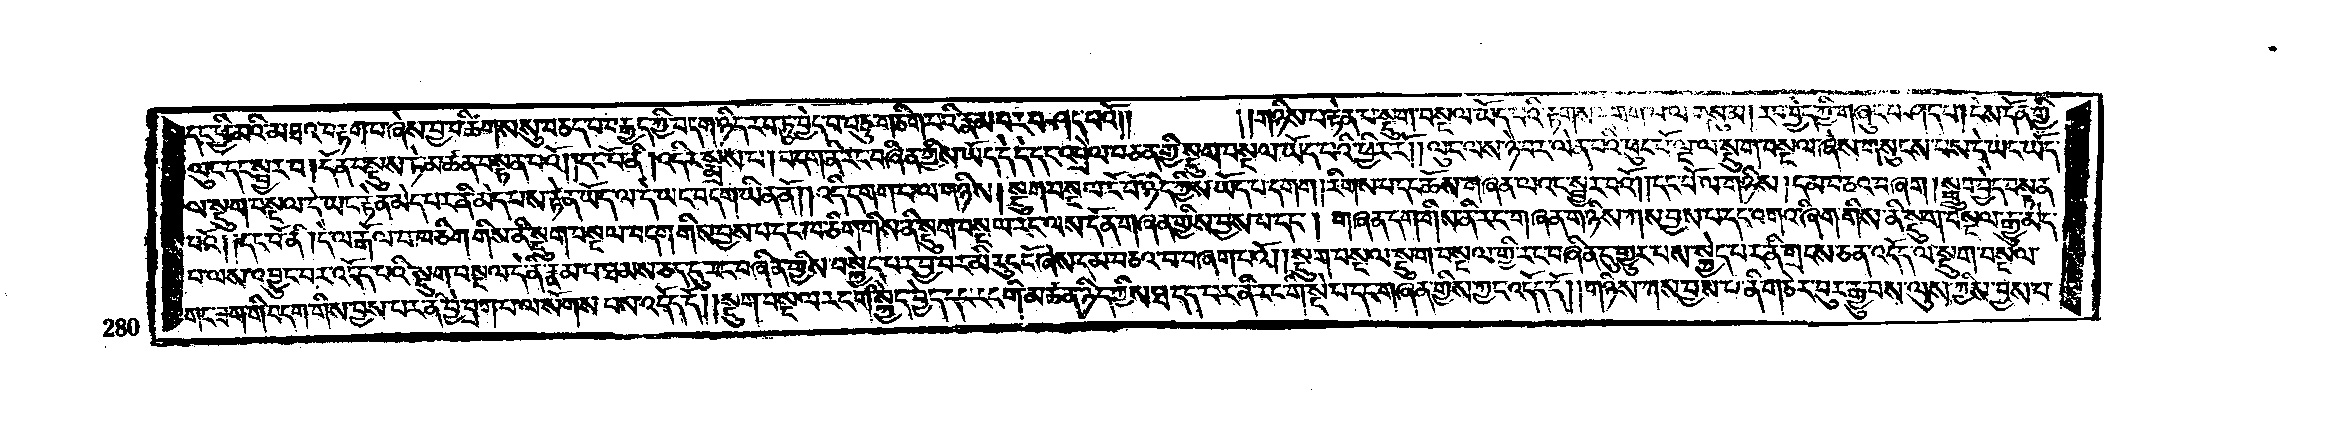དང་ཕྱི་མའི་མཐའ་བརྟག་པ་ཞེས་བྱ་བ་ཚིགས་སུ་བཅད་པ་བརྒྱད་ཀྱི་བདག་ཉིད་རབ་ཏུ་བྱེད་པ་བཅུ་གཅིག་པའི་རྣམ་པར་བཤད་པའོ།། །།གཉིས་པ་རྟེན་པ་སྡུག་བསྔལ་ཡོད་པའི་རྟགས་དགག་པ་ལ་གསུམ། རབ་བྱེད་ཀྱི་གཞུང་བཤད་པ། ངེས་དོན་གྱི་
ལུང་དང་སྦྱར་བ། དོན་བསྡུས་ཏེ་མཚན་བསྟན་པའོ། །དང་པོ་ནི། འདིར་སྨྲས་པ། བདག་ནི་རང་བཞིན་གྱིས་ཡོད་དེ་དེ་དང་འབྲེལ་པ་ཅན་གྱི་སྡུག་བསྔལ་ཡོད་པའི་ཕྱིར་རོ། །ལུང་ལས་ཉེ་བར་ལེན་པའི་ཕུང་པོ་ལྔ་ལ་སྡུག་བསྔལ་ཞེས་གསུངས་པས་དེ་ཡང་ཡོད་
ལ་སྡུག་བསྔལ་དེ་ཡང་རྟེན་མེད་པར་ནི་མེད་པས་རྟེན་ཡོད་ལ་དེ་ཡང་བདག་ཡིན་ནོ། །འདི་དགག་པ་ལ་གཉིས། སྡུག་བསྔལ་ངོ་བོ་ཉིད་ཀྱིས་ཡོད་པ་དགག །རིགས་པ་དང་ཆོས་གཞན་ལའང་སྦྱར་བའོ། །དང་པོ་ལ་གཉིས། དམ་བཅའ་བཞག །སྒྲུབ་བྱེད་བསྟན་
པའོ། །དང་པོ་ནི། དེ་ལ་རྒོལ་བ་ཁ་ཅིག་གིས་ནི་སྡུག་བསྔལ་བདག་གིས་བྱས་པ་དང་ཁ་ཅིག་གིས་ནི་སྡུག་བསྔལ་རང་ལས་དོན་གཞན་གྱིས་བྱས་པ་དང་། གཞན་དག་གིས་ནི་རང་གཞན་གཉིས་ཀས་བྱས་པ་དང་འགའ་ཞིག་གིས་ནི་སྡུག་བསྔལ་རྒྱུ་མེད་
པ་ལས་འབྱུང་བར་འདོད་པའི་སྡུག་བསྔལ་དེ་ནི་རྣམ་པ་ཐམས་ཅད་དུ་རང་བཞིན་གྱིས་བསྐྱེད་པར་བྱ་བར་མི་རུང་ངོ་ཞེས་དམ་བཅའ་བ་བཞག་པའོ། །སྡུག་བསྔལ་སྡུག་བསྔལ་གྱི་རང་བཞིན་དུ་གྱུར་པས་སྐྱེད་པར་ནི་གྲངས་ཅན་འདོད་ལ་སྡུག་བསྔལ་
གང་ཟག་གི་བདག་གིས་བྱས་པར་ནི་བྱེ་བྲག་པ་ལ་སོགས་པས་འདོད་དེ། །སྡུག་བསྔལ་རང་གི་སྐྱེད་བྱེད་དང་རང་གི་མཚན་ཉིད་ཀྱིས་ཐ་དད་པར་ནི་རང་གི་སྡེ་པ་དང་གཞན་གྱིས་ཀྱང་འདོད་དོ། །གཉིས་ཀས་བྱས་པ་ནི་གཅར་བུར་རྒྱུ་བས་ལུས་ཀྱིས་བྱས་པ་